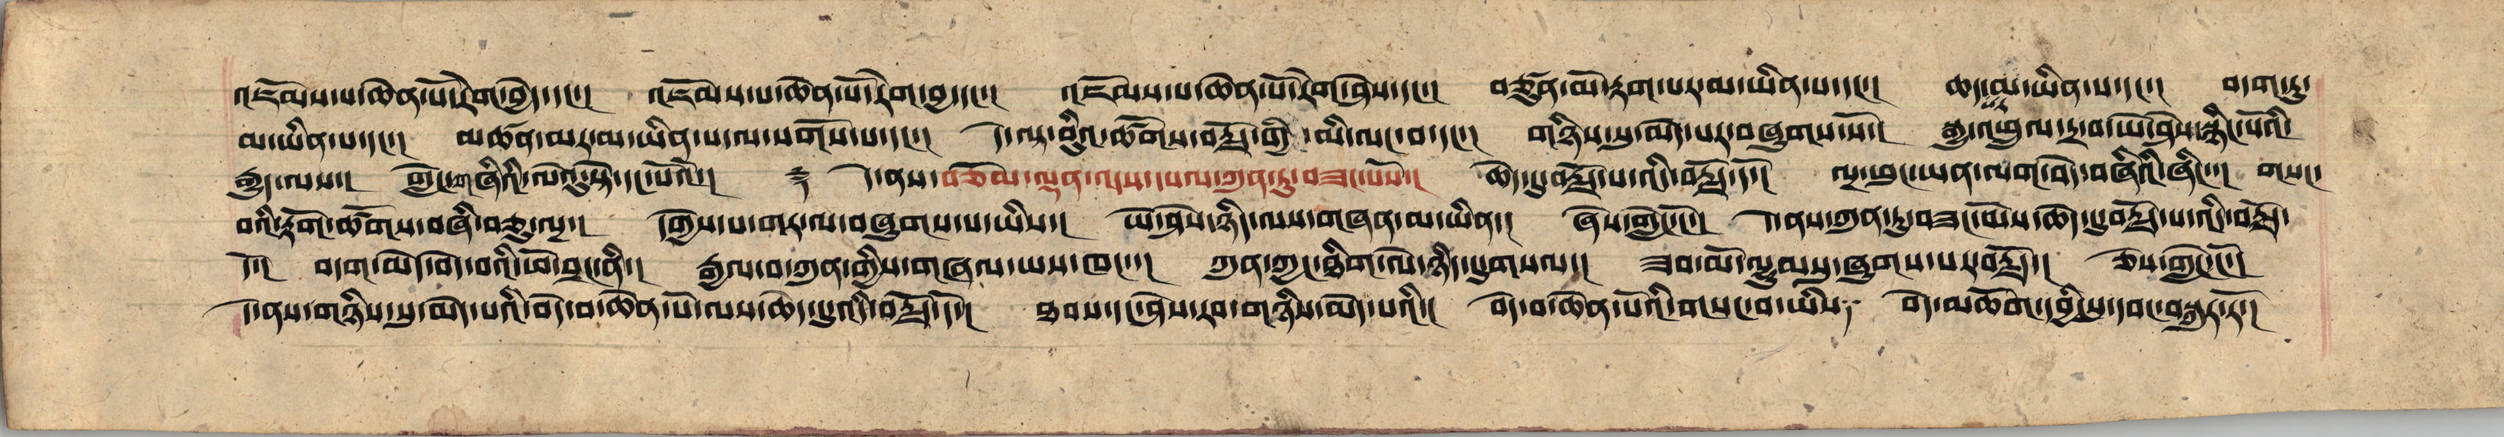འཇོམས་པ་ཆེན་པོ་རེག་བྱེད་དང་། འཇོམས་པ་ཆེན་པོ་རེག་བྱ་དང་། འཇོམས་པ་ཆེན་པོ་རེག་ཤེས་དང་། བཙུན་མོ་རྟག་པར་མ་ཡིན་པ་དང་། ཆད་པར་མ་ཡིན་པ་དང་། བདག་ཏུ་
མ་ཡིན་པ་དང་། མཚན་མར་མ་ཡིན་པ་ལ་སགོས་པ་དང་། དེ་ལྟ་བུའི་ཚོགས་བརྗོད་གྱི་ མི་ལང་བ་དང་། གཉིས་སུ་མེད་པར་བཞུགས་སོ་། སྒྱུ་འཕྲུལ་དྲ་བ་ཡེ་ཤེས་སྙིང་པོའི་
རྒྱུད་ལས་། གླེང་གཞིའི་ལེའུ་སྟེ་དང་པོའོ་། ࿑ དེ་ནས་བཅོམ་ལྡན་འདས་དཔལ་ཀུན་ཏུ་བཟང་པོས་། ཆེད་དུ་བརྗོད་པ་འདི་བརྗོད་དོ་། ལྔ་ཕུང་ཡན་ལག་བདེ་བཞིའི་ཞིང་་། གསང་
བའི་རྟོག་ཚོགས་བཞི་བཅུ་ལྔ་། དགྱེས་པ་གར་ལ་བཞུགས་པ་ཡིས་། ཡེ་ཤེས་ཉིད་ལས་གཞན་མ་ཡིན་། ཞེས་གླེང་ངོ་། དེ་ནས་ཀུན་ཏུ་བཟང་མོས་ཆེད་དུ་བརྗོད་པ་འདི་བརྗོད་
དོ་། བདག་མེད་བདེ་བའི་ཕོ་བྲང་ནི་། རྒྱལ་བ་ཀུན་གྱིས་གཞལ་ཡས་ཁང་་། ཀུན་ཀྱང་ཐིག་ལེ་ཉིད་དུ་གསལ་། ཟབ་མོ་ལྷུམསུ་ཞུགས་པར་བརྗོད་། ཅེས་གླེང་ངོ་།
དེ་ནས་གཉིས་སུ་མེད་པའི་བདེ་བ་ཆེན་པོ་ལས་ཆེད་དུ་འདི་བརྗོད་དོ་། ཐབས་དང་ཤེས་རབ་གཉིས་མེད་པའི་། བདེ་བ་ཆེན་པོའི་གསང་བ་ཡིས༑ བདེ་མཆོག་དབྱིངསུ་དབང་བསྐུར་རོ་།